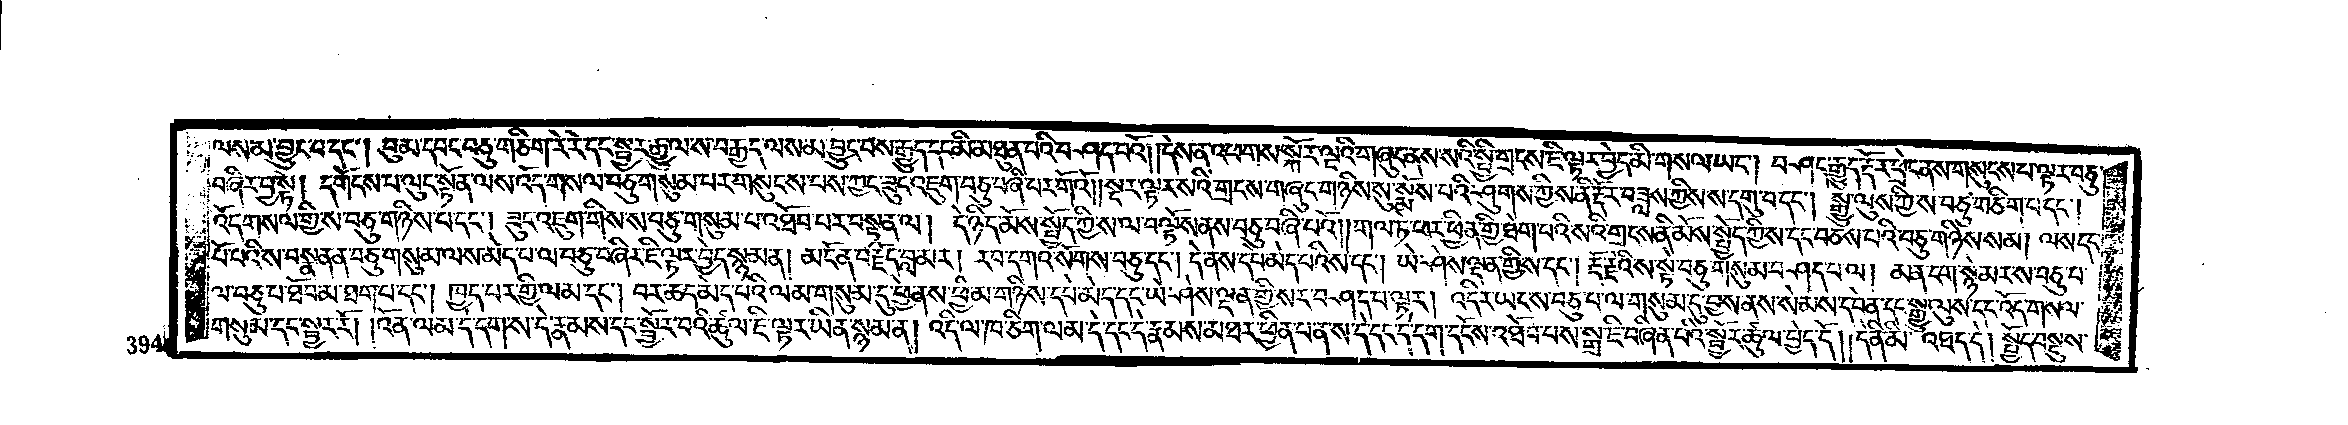ལས་མ་བྱུང་བ་དང་། བུམ་དབང་བཅུ་གཅིག་རེ་རེ་དང་སྦྱར་རྒྱུ་ལ་ས་བརྒྱད་ལས་མ་བྱུང་བས་རྒྱུད་དང་མི་མཐུན་པའི་བཤད་པའོ། །དེས་ན་འཕགས་སྐོར་ལྔའི་གཞུང་ནས་སའི་སྤྱི་གྲངས་ཇི་ལྟར་བྱེད་མི་གསལ་ཡང་། བཤད་རྒྱུད་རྡོར་ཕྲེང་ནས་གསུངས་པ་ལྟར་བཅུ་
བཞིར་བྱ་སྟེ། དགོངས་པ་ལུང་སྟོན་ལས་འོད་གསལ་བཅུ་གསུམ་པར་གསུངས་པས་ཀྱང་ཟུང་འཇུག་བཅུ་བཞི་པར་གོའོ། །སྔར་ལྟར་སའི་གྲངས་གཞུང་གཉིས་སུ་སྨོས་པའི་ཤུགས་ཀྱིས་ནི་རྡོར་བཟླས་ཀྱིས་ས་དགུ་པ་དང་། སྒྱུ་ལུས་ཀྱི་ས་བཅུ་གཅིག་པ་དང་།
འོད་གསལ་གྱི་ས་བཅུ་གཉིས་པ་དང་། ཟུང་འཇུག་གིས་ས་བཅུ་གསུམ་པ་འཐོབ་པར་བསྟན་ལ། དེ་ཉིད་མོས་སྤྱོད་ཀྱི་ས་ལ་བལྟོས་ནས་བཅུ་བཞི་པའོ། །གལ་ཏེ་ཕར་ཕྱིན་གྱི་ཐེག་པའི་སའི་གྲངས་ནི་མོས་སྤྱོད་ཀྱི་ས་དང་བཅས་པའི་བཅུ་གཉིས་སམ། ལས་དང་
པོ་པའི་ས་བསྣན་ན་བཅུ་གསུམ་ལས་མེད་པ་ལ་བཅུ་བཞིར་ཇི་ལྟར་བྱེད་སྙམ་ན། མངོན་བརྗོད་བླ་མར། རབ་དགའ་སོགས་བཅུ་དང་། དེ་ནས་དཔེ་མེད་པའི་ས་དང་། ཡེ་ཤེས་ལྡན་གྱི་ས་དང་། རྡོ་རྗེའི་ས་སྟེ་བཅུ་གསུམ་བཤད་པ་ལ། མན་ངག་སྙེ་མར་ས་བཅུ་པ་
ལ་བཅུ་པ་ཐོབ་མ་ཐག་པ་དང་། ཁྱད་པར་གྱི་ལམ་དང་། བར་ཆད་མེད་པའི་ལམ་གསུམ་དུ་ཕྱེ་ནས་ཕྱི་མ་གཉིས་དཔེ་མེད་དང་ཡེ་ཤེས་ལྡན་གྱི་སར་བཤད་པ་ལྟར། འདིར་ཡང་ས་བཅུ་པ་ལ་གསུམ་དུ་བྱས་ནས་སེམས་དབེན་དང་སྒྱུ་ལུས་དང་འོད་གསལ་
གསུམ་དང་སྦྱར་རོ། །འོ་ན་ལམ་དེ་དག་ས་དེ་རྣམས་དང་སྦྱོར་བའི་ཚུལ་ཇི་ལྟར་ཡིན་སྙམ་ན། འདི་ལ་ཁ་ཅིག་ལམ་དེ་དང་དེ་རྣམས་མཐར་ཕྱིན་པ་ན་ས་དེ་དང་དེ་དག་དངོས་འཐོབ་པས་སྒྲ་ཇི་བཞིན་པའི་སྦྱོར་ཚུལ་བྱེད་དོ། །དེ་ནི་མི་འཐད་དེ། སྤྱོད་བསྡུས་